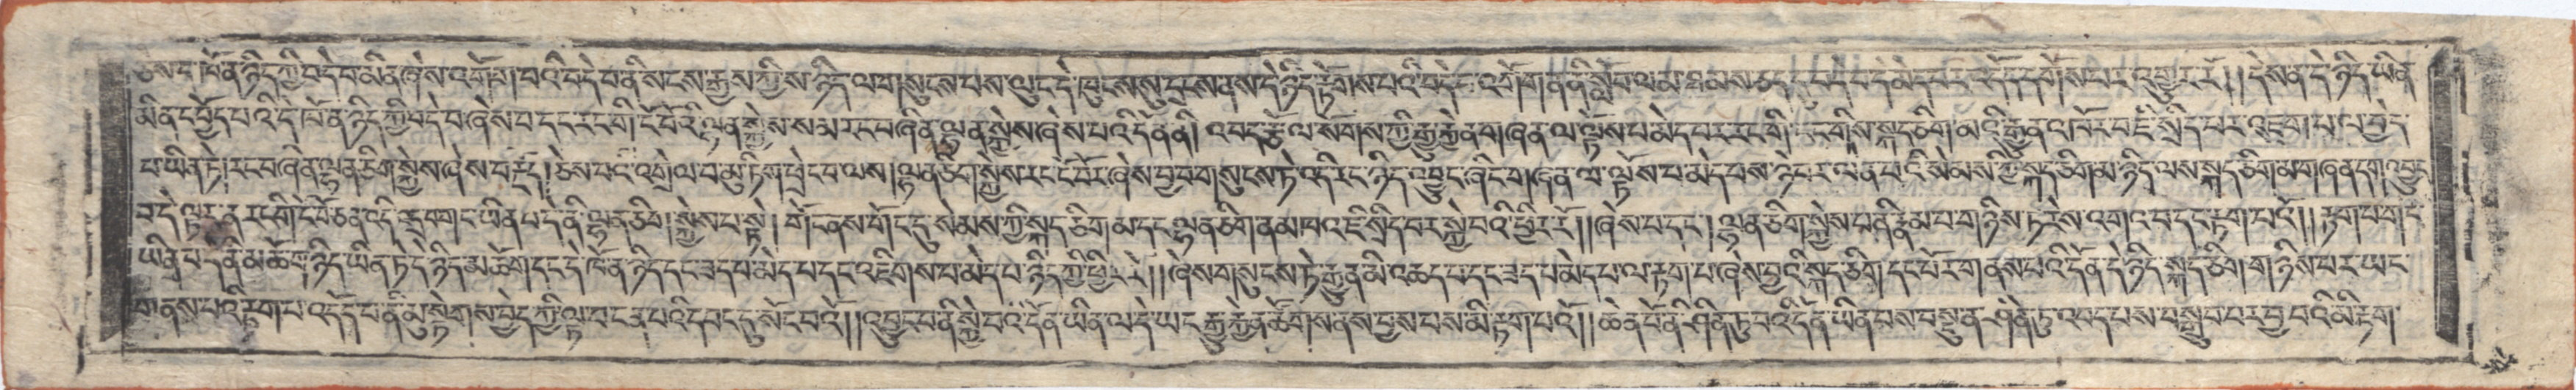ཅེས་དེ་ཁོ་ན་ཉིད་ཀྱི་བདེ་བ་མིན་ཞེས་འགོག་པའི་བདེ་བ་ནི་སངས་རྒྱས་ཀྱི་ས་ཉིད་ལ་གསུངས་པས་ལུང་དེ་ཁུངས་སུ་དྲངས་ནས་དེ་ཉིད་རྟོགས་པའི་བདེ་བ་འགོག་ན་ནི་སློབ་ལམ་ཐམས་ཅད་དུ་བདེ་བ་དེ་མེད་པར་འདོད་དགོས་པར་འགྱུར་རོ། །དེས་ན་དེ་ཉིད་ཡིན་
མིན་དཔྱོད་པའི་དེ་ཁོ་ན་ཉིད་ཀྱི་བདེ་བ་ཞེས་པ་དང་རང་གི་ངོ་བོའི་ལྷན་སྐྱེས་སམ་རང་བཞིན་ལྷན་སྐྱེས་ཞེས་པའི་དོན་ནི། འབད་རྩོལ་སོགས་ཀྱི་རྒྱུ་རྐྱེན་གཞན་ལ་ལྟོས་པ་མེད་པར་རང་གི་ངང་གིས་སྐད་ཅིག་མའི་རྒྱུན་འཁོར་བ་ཇི་སྲིད་པར་འཇུག་པ་ལ་བྱེད་
པ་ཡིན་ཏེ། རང་བཞིན་ལྷན་ཅིག་སྐྱེས་ཞེས་བརྗོད། ཅེས་པའི་འགྲེལ་པ་མུ་ཏིག་ཕྲེང་བ་ལས། ལྷན་ཅིག་སྐྱེས་རང་ངོ་བོར་ཞེས་བྱ་བ་གསུངས་ཏེ་འདི་རང་ཉིད་འབྱུང་ཞིང་གཞན་ལ་ལྟོས་པ་མེད་པས་ཉེ་བར་ལེན་པའི་སེམས་ཀྱི་སྐད་ཅིག་མ་ཉིད་ལས་སྐད་ཅིག་མ་གཞན་དག་འབྱུང་
བ་དེ་ལྟར་ན་རང་གི་ངོ་བོ་ཅན་འདི་འདྲ་བ་གང་ཡིན་པ་དེ་ནི་ལྷན་ཅིག་སྐྱེས་པ་སྟེ། གོང་ནས་གོང་དུ་སེམས་ཀྱི་སྐད་ཅིག་མ་དང་ལྷན་ཅིག་ནམ་མཁའ་ཇི་སྲིད་བར་སྐྱེ་བའི་ཕྱིར་རོ། །ཞེས་པ་དང་། ལྷན་ཅིག་སྐྱེས་པ་ནི་རྣམ་པ་གཉིས་ཏེ་རེས་འགའ་བ་དང་རྟག་པའོ། །རྟག་པ་གང་
ཡིན་པ་དེ་ནི་མཆོག་ཉིད་ཡིན་ཏེ་དེ་ཉིད་མཆོག་དང་དེ་ཁོ་ན་ཉིད་དང་ཟད་པ་མེད་པ་དང་འཇིགས་པ་མེད་པ་ཉིད་ཀྱི་ཕྱིར་རོ། །ཞེས་གསུངས་ཏེ་རྒྱུན་མི་འཆད་པ་དང་ཟད་པ་མེད་པ་ལ་རྟག་པ་ཞེས་བྱའི་སྐད་ཅིག་དང་པོར་གནས་པའི་དོན་དེ་ཉིད་སྐད་ཅིག་གཉིས་པར་ཡང་
གནས་པའི་རྟག་པ་འདོད་པ་ནི་མུ་སྟེགས་བྱེད་ཀྱི་ལྟ་བ་ངན་པའི་དབང་དུ་སོང་བའོ། །འབྱུང་བ་ནི་སྐྱེ་བའི་དོན་ཡིན་ལ་དེ་ཡང་རྒྱུ་རྐྱེན་ཚོགས་ནས་བྱས་པས་མི་རྟག་པའོ། །ཆེན་པོ་ནི་ཤིན་ཏུ་བའི་དོན་ཡིན་པས་བསྡུ་ན་ཤིན་ཏུ་འབད་པས་བསྒྲུབ་པར་བྱ་བའི་མི་རྟག་